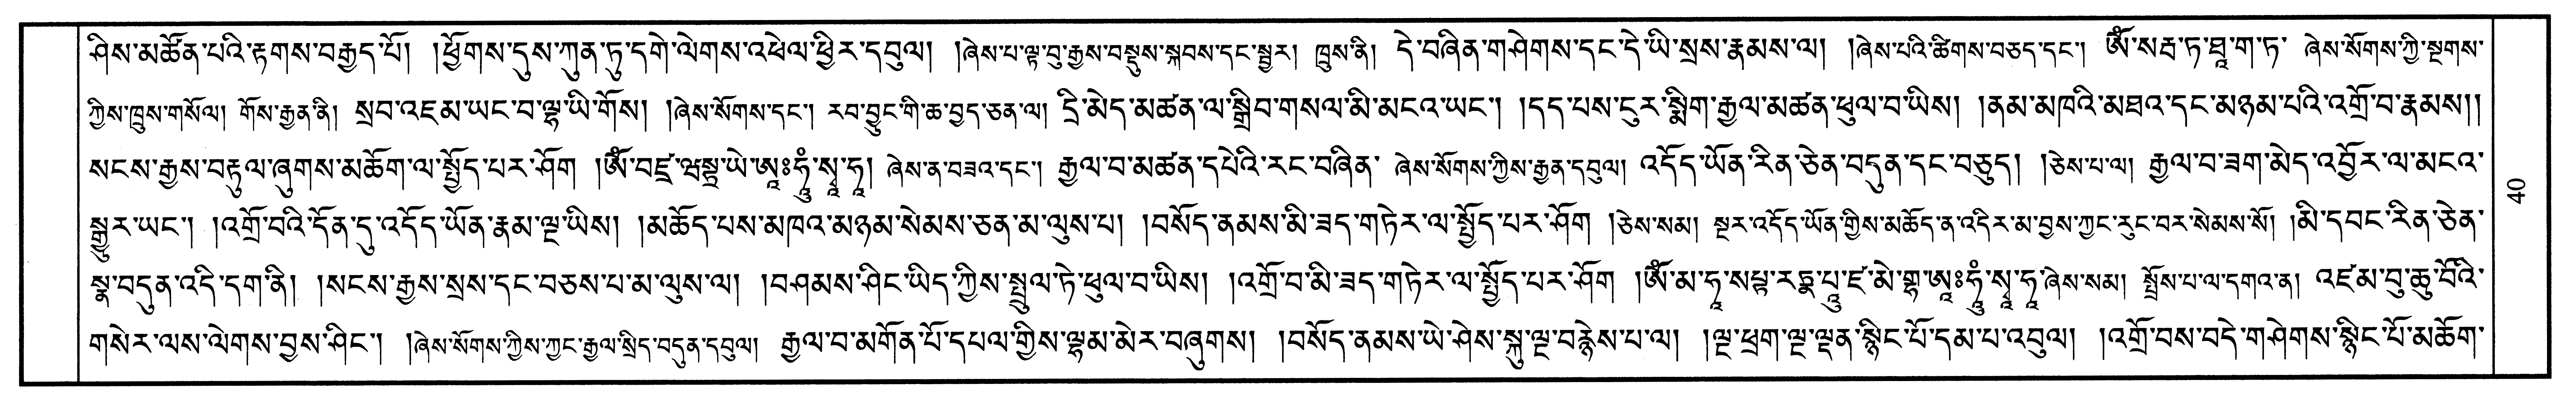ཤིས་མཚོན་པའི་རྟགས་བརྒྱད་པོ། །ཕྱོགས་དུས་ཀུན་ཏུ་དགེ་ལེགས་འཕེལ་ཕྱིར་དབུལ། །ཞེས་པ་ལྟ་བུ་རྒྱས་བསྡུས་སྐབས་དང་སྦྱར། ཁྲུས་ནི། དེ་བཞིན་གཤེགས་དང་དེ་ཡི་སྲས་རྣམས་ལ། །ཞེས་པའི་ཚིགས་བཅད་དང་། ཨོཾ་སརྦ་ཏ་ཐཱ་ག་ཏ་ཞེས་སོགས་ཀྱི་སྔགས་
ཀྱིས་ཁྲུས་གསོལ། གོས་རྒྱན་ནི། སྲབ་འཇམ་ཡང་བ་ལྷ་ཡི་གོས། །ཞེས་སོགས་དང་། རབ་བྱུང་ཨི་ཆ་བྱད་ཅན་ལ། དྲི་མེད་མཚན་ལ་སྒྲིབ་གསལ་མི་མངའ་ཡང་། །དད་པས་ངུར་སྨིག་རྒྱལ་མཚན་ཕུལ་བ་ཡིས། །ནམ་མཁའི་མཐའ་དང་མཉམ་པའི་འགྲོ་བ་རྣམས།།
སངས་རྒྱས་བརྟུལ་ཞུགས་མཆོག་ལ་སྤྱོད་པར་ཤོག། །ཨོཾ་བཛྲ་ཝསྟྲ་ཡེ་ཨཱཿ ཧཱུཾ་སྭཱ་ཧཱ། ཞེས་ནས་བཟའ་དང་། རྒྱལ་བ་མཚན་དཔེའི་རང་བཞིན་ཞེས་སོགས་ཀྱིས་རྒྱན་དབུལ། འདོད་ཡོན་རིན་ཅེན་བདུན་དང་བཅུད། །ཅེས་པ་ལ། རྒྱལ་བ་ཟག་མེད་འབྱོར་ལ་མངའ་
སྒྱུར་ཡང་། །འགྲོ་བའི་དོན་དུ་འདོད་ཡོན་རྣམ་ལྔ་ཡིས། །མཆོད་པས་མཁའ་མཉམ་སེམས་ཅན་མ་ལུས་པ། །བསོད་ནམས་མི་ཟད་གཏེར་ལ་སྤྱོད་པར་ཤོག །ཅེས་སམ། སྔར་འདོད་ཡོན་གྱིས་མཆོད་ན་འདིར་མ་བྱས་ཀྱང་རུང་བར་སེམས་སོ། །མི་དབང་རིན་ཅེན་
སྣ་བདུན་འདི་དག་ནི། །སངས་རྒྱས་སྲས་དང་བཅས་པ་མ་ལུས་ལ། །བཤམས་ཤིང་ཡིད་ཀྱིས་སྤྲུལ་ཏེ་ཕུལ་བ་ཡིས། །འགྲོ་བ་མི་ཟད་གཏེར་ལ་སྤྱོད་པར་ཤོག །ཨོཾ་མ་ཧཱ་སཔྟ་རཏྣ་པཱུ་ཛ་མེ་གྷ་ཨཱཿ ཧཱུཾ་སྭཱ་ཧཱ་ཞེས་སམ། སྤྲོས་པ་ལ་དགའ་ན། འཛམ་བུ་ཆུ་བོའི་
གསེར་ལས་ལེགས་བྱས་ཤིང་། །ཞེས་སོགས་ཀྱིས་ཀྱང་རྒྱལ་སྲིད་བདུན་དབུལ། རྒྱལ་བ་མགོན་པོ་དཔལ་གྱིས་ལྷམ་མེར་བཞུགས། །བསོད་ནམས་ཡེ་ཤེས་སྐུ་ལྔ་བརྙེས་པ་ལ། །ལྔ་ཕྲག་ལྔ་ལྡན་སྙིང་པོ་དམ་པ་འབུལ། །འགྲོ་བས་བདེ་གཤེགས་སྙིང་པོ་མཆོག་